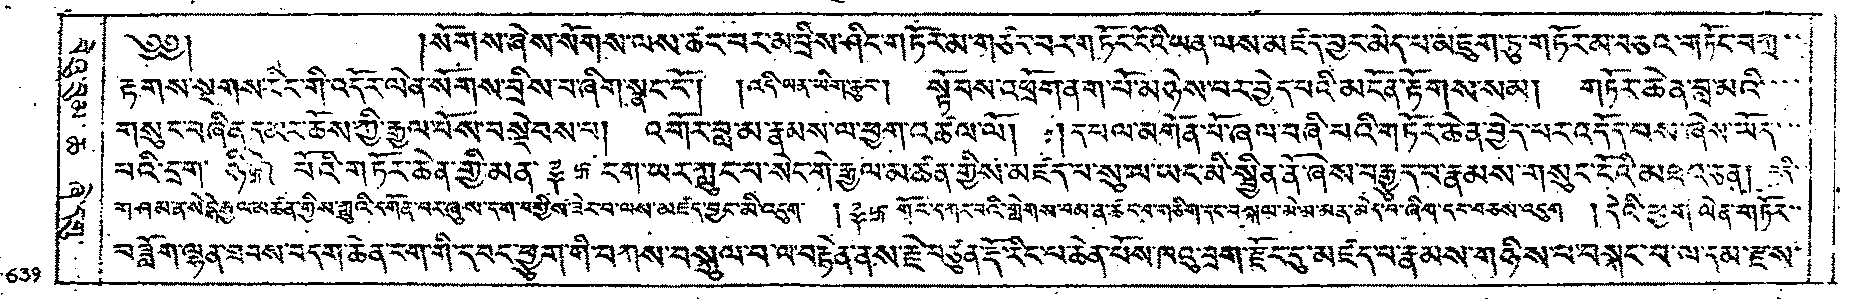༄༅། །སོགས་ཞེས་སོགས་ལས་ཚང་བར་མ་བྲིས་ཤིང་གཏོར་མ་གཙང་བར་གཏོང་ངོའི་ཡན་ལས་མཛད་བྱང་མེད་པ་མཇུག་ཏུ་གཏོར་མ་བཅའ་གཏོང་བཀྲ་
རྟགས་སྔགས་རིང་གི་འདོར་ལེན་སོགས་བྲིས་པ་ཞིག་སྣང་ངོ། ། འདི་ཡན་ཡིག་ཆུང་།  སྟོབས་འཕྲོག་ནག་པོ་མཉེས་པར་བྱེད་པའི་མངོན་རྟོགས་སམ། གཏོར་ཆེན་བླ་མའི་
གསུང་བཞིན་དམར་ཆོས་ཀྱི་རྒྱལ་པོས་བསྡེབས་པ། འགོར་བླ་མ་རྣམས་ལ་ཕྱག་འཚལ་ལོ། །དཔལ་མགོན་པོ་ཞལ་བཞི་པའི་གཏོར་ཆེན་བྱེད་པར་འདོད་པས་ཞེས་ཡོད་
པའི་དྲག་ཉི~྾?་པོའི་གཏོར་ཆེན་གྱི་མན་༈ ~྾་ངག་ཡར་ཀླུང་པ་སེང་གེ་རྒྱལ་མཚན་གྱིས་མཛད་པ་སུ་ལ་ཡང་མི་སྦྱིན་ནོ་ཞེས་བརྒྱུད་པ་རྣམས་གསུང་ངོའི་མཐའ་ཅན། འདི་
གཤམ་ན་སེངྒེ་རྒྱལ་མཚན་གྱིས་ཀླུའི་དགོན་པར་ཞུས་དག་བགྱིས་ཟེར་བ་ལས་མཛད་བྱང་མི་འདུག ། ༈ ~྾་གོང་དཀར་བའི་གླེགས་བམ་ན་ཚང་བ་གཅིག་དང་བསྐལ་མེ་མ་མན་མེད་པ་ཞིག་དང་བཅས་འདུག ། དེའི་ཕྱག་ལེན་གཏོར་
བཟློག་ལྷན་ཐབས་བདག་ཆེན་ངག་གི་དབང་ཕྱུག་གི་བཀས་བསྐུལ་བ་ལ་བརྟེན་ནས་རྗེ་བཙུན་རྡོ་རིང་པ་ཆེན་པོས་ཁའུ་བྲག་རྫོང་དུ་མཛད་པ་རྣམས་གཉིས་པ་བསྐང་བ་ལ་དམ་རྫས་